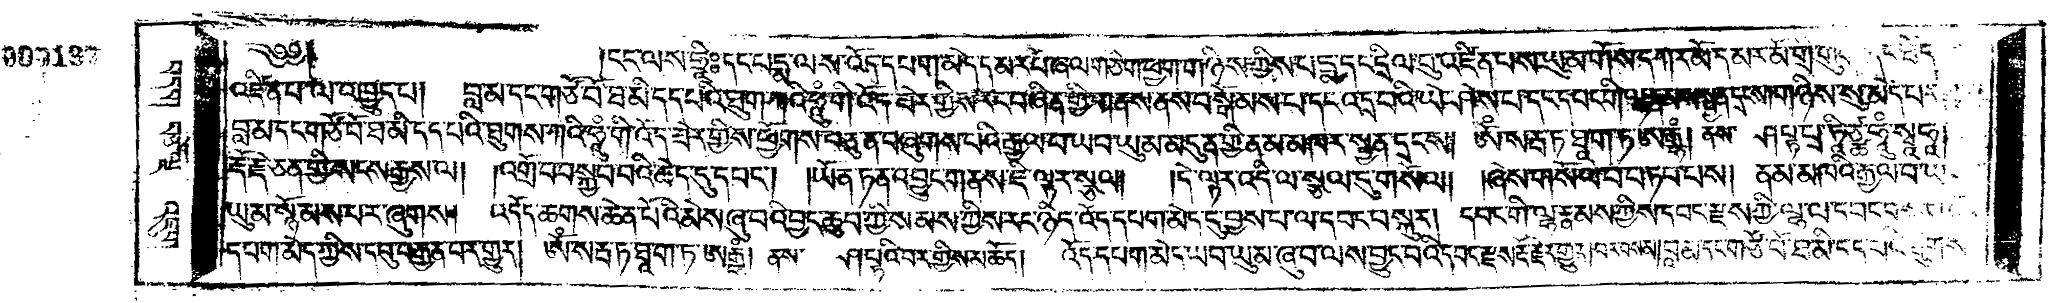༄༅། །ངང་ལས་ཧྲཱིཿ དང་པདམ་ལས་འོད་དཔག་མེད་དམར་པོ་ཞལ་གཅིག་ཕྱག་གཉིས་ཀྱིས་པདམ་དང་དྲིལ་བུ་འཛིན་པས་ཡུམ་གོས་དཀར་མོ་དམར་མོ་གྲི་གུག་དང་ཐོད་པ་
འཛིན་པ་ལ་འཁྱུད་པ། བླ་མ་དང་གཙོ་བོ་ཐ་མི་དད་པའི་ཐུག་ཀའི་ཧཱུཾ་གི་འོད་ཟེར་གྱིས་རང་བཞིན་གྱི་གནས་ནས་བསྒོམས་པ་དང་འདྲ་བའི་ཡེ་ཤེས་པ་དང་དབང་གི་ལྷ་རྣམས་སྤྱན་དྲངས། གཉིས་སུ་མེད་པར་གྱུར།
བླ་མ་དང་གཙོ་བོ་ཐ་མི་དད་པའི་ཐུགས་ཀའི་ཧཱུཾ་གི་འོད་ཟེར་གྱིས་ཕྱོགས་བཅུ་ན་བཞུགས་པའི་རྒྱལ་བ་ཡབ་ཡུམ་མདུན་གྱི་ནམ་མཁར་སྤྱན་དྲངས། ཨོཾ་སརྦ་ཏ་ཐཱ་ག་ཏ་ཨརྒྷཾ། ནས་ཤཔྟ་པྲ་ཏཱི་ཙྪ་ཧཱུཾ་སྭཱཧཱ།
རྡོ་རྗེ་ཅན་གྱི་སངས་རྒྱས་ལ། །འགྲོ་བ་བསྐྱབ་པའི་ཆེད་དུ་དབང་། །ཡོན་ཏན་འབྱུང་གནས་ཇི་ལྟར་སྩལ། །དེ་ལྟར་འདི་ལ་སྩལ་དུ་གསོལ། །ཞེས་གསོལ་བ་བཏབ་པས། ནམ་མཁའི་རྒྱལ་བ་ཡབ་
ཡུམ་སྙོམས་པར་ཞུགས། འདོད་ཆགས་ཆེན་པོའི་མེས་ཞུ་བའི་བྱང་ཆུབ་ཀྱི་སེམས་ཀྱིས་རང་ཉིད་འོད་དཔག་མེད་དུ་བྱས་པ་ལ་དབང་བསྐུར། དབང་གི་ལྷ་རྣམས་ཀྱིས་དབང་རྫས་ཀྱི་ལྷ་ལ་དབང་བསྐུར། འོད་
དཔག་མེད་ཀྱིས་དབུ་བརྒྱན་པར་གྱུར། ཨོཾ་སརྦ་ཏ་ཐཱ་ག་ཏ་ཨརྒྷཾ། ནས་ཤཔྟའི་བར་གྱིས་མཆོད། འོད་དཔག་མེད་ཡབ་ཡུམ་ཞུ་བ་ལས་བྱུང་བའི་དབང་རྫས་རྡོ་རྗེར་གྱུར། བར་བསམ། བླ་མ་དང་གཙོ་བོ་ཐ་མི་དད་པའི་ཐུགས་